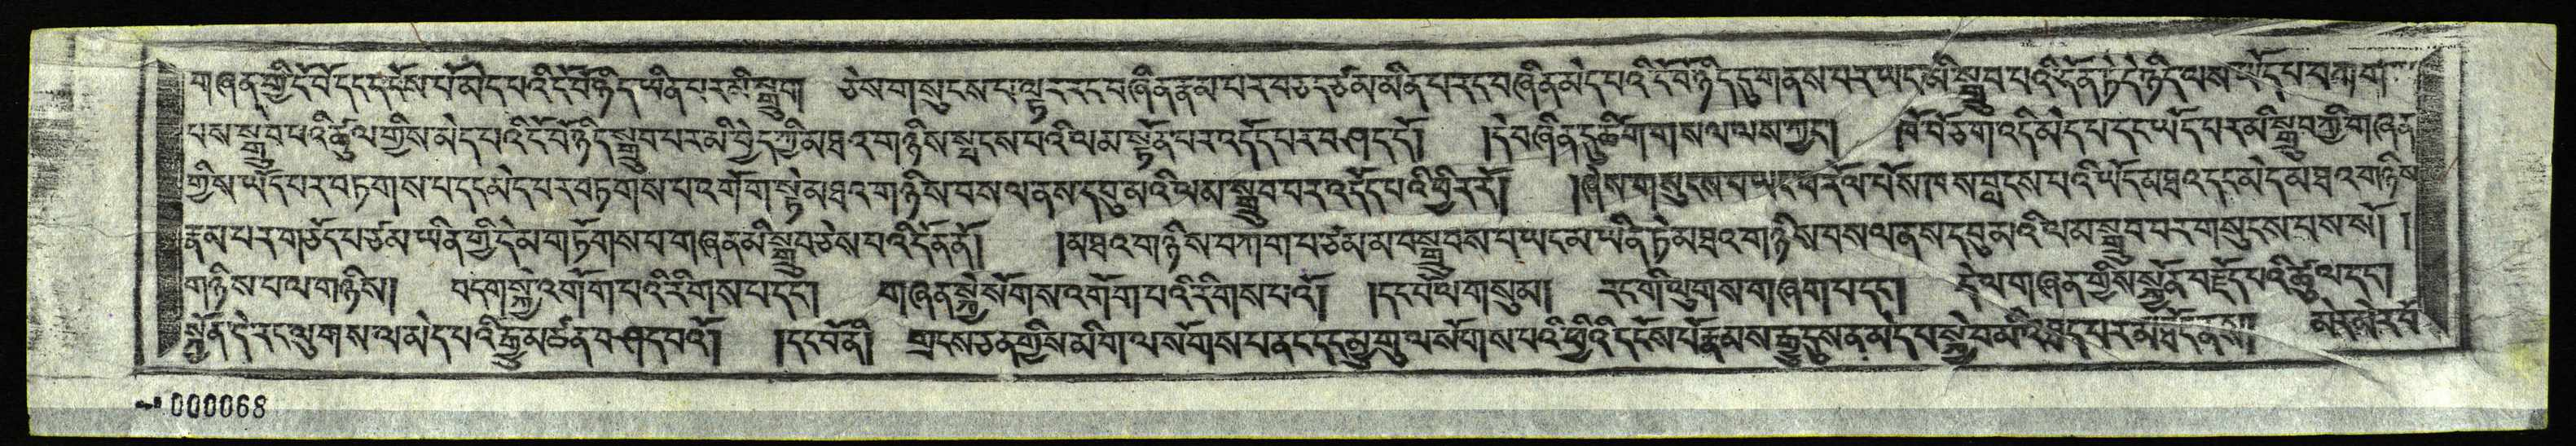གཞན་གྱི་ངོ་བོ་དང་དངོས་པོ་མེད་པའི་ངོ་བོ་ཉིད་ཡིན་པར་མི་སྒྲུབ། ཅེས་གསུངས་པ་ལྟར་རང་བཞིན་རྣམ་པར་བཅད་ཙམ་མིན་པ་རང་བཞིན་མེད་པའི་ངོ་བོ་ཉིད་དུ་གནས་པར་ཡང་མི་སྒྲུབ་པའི་དོན་ཏེ་དེ་ཉིད་ལས་ཡོད་པ་བཀག་
པས་སྒྲུབ་པའི་ཚུལ་གྱིས་མེད་པའི་ངོ་བོ་ཉིད་སྒྲུབ་པར་མི་བྱེད་ཀྱི་མཐའ་གཉིས་སྤངས་པའི་ལམ་སྟོན་པར་འདོད་པར་བཤད་དོ། །དེ་བཞིན་དུ་ཚིག་གསལ་ལས་ཀྱང་། ཁོ་བོ་ཅག་འདི་མེད་པ་དང་ཡོད་པར་མི་སྒྲུབ་ཀྱི་གཞན་
གྱིས་ཡོད་པར་བཏགས་པ་དང་མེད་པར་བཏགས་པ་འགོག་སྟེ་མཐའ་གཉིས་བསལ་ནས་དབུ་མའི་ལམ་སྒྲུབ་པར་འདོད་པའི་ཕྱིར་རོ། །ཞེས་གསུངས་པ་ཡང་ཕ་རོལ་པོས་ཁས་བླངས་པའི་ཡོད་མཐའ་དང་མེད་མཐའ་གཉིས་
རྣམ་པར་གཅོད་པ་ཙམ་ཡིན་གྱི་དེ་མ་གཏོགས་པ་གཞན་མི་སྒྲུབ་ཅེས་པའི་དོན་ནོ། །མཐའ་གཉིས་བཀག་པ་ཙམ་མ་བསྒྲུབས་པ་ཡང་མ་ཡིན་ཏེ་མཐའ་གཉིས་བསལ་ནས་དབུ་མའི་ལམ་སྒྲུབ་བར་གསུངས་པས་སོ། །
གཉིས་པ་ལ་གཉིས། བདག་སྐྱེ་འགོག་པའི་རིགས་པ་དང་། གཞན་སྐྱེ་སོགས་འགོག་པའི་རིགས་པའོ། །དང་པོ་ལ་གསུམ། རང་གི་ལུགས་གཞག་པ་དང་། དེ་ལ་གཞན་གྱིས་སྐྱོན་བརྗོད་པའི་ཚུལ་དང་།
སྐྱོན་དེ་རང་ལུགས་ལ་མེད་པའི་རྒྱུ་མཚན་བཤད་པའོ། །དང་པོ་ནི། གྲངས་ཅན་གྱིས་མིག་ལ་སོགས་པ་ནང་དང་མྱུ་གུ་ལ་སོགས་པའི་ཕྱིའི་དངོས་པོ་རྣམས་རྒྱུ་དུས་ན་མེད་པ་སྐྱེ་བ་མི་འཐད་པར་མཐོང་ནས། མེར་མེར་པོ་